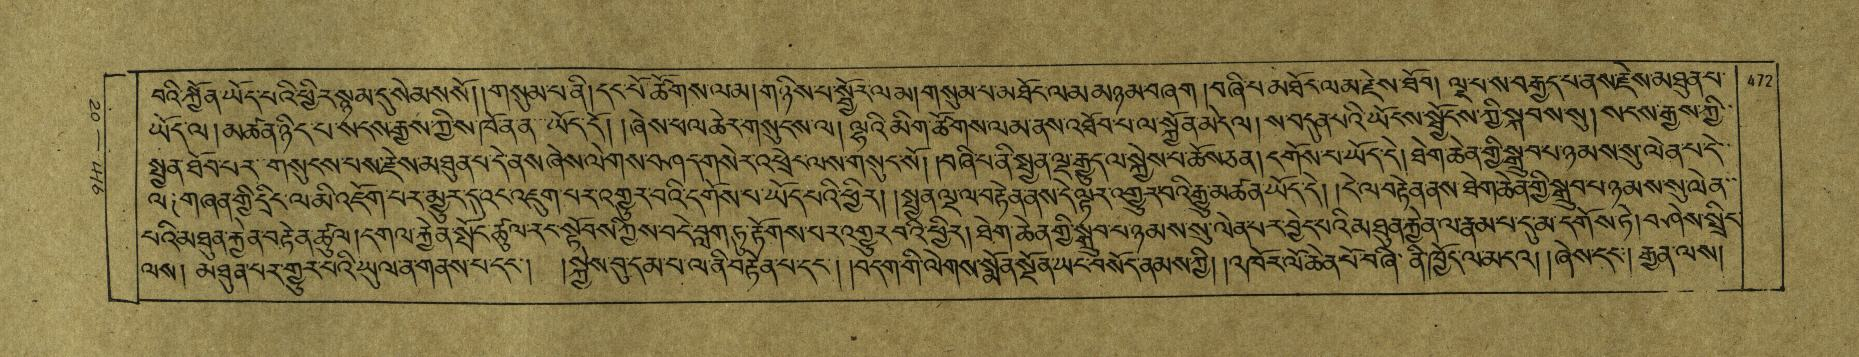བའི་སྐྱོན་ཡོད་པའི་ཕྱིར་སྙམ་དུ་སེམས་སོ། །གསུམ་པ་ནི། དང་པོ་ཚོགས་ལམ། གཉིས་པ་སྦྱོར་ལམ། གསུམ་པ་མཐོང་ལམ་མཉམ་བཞག །བཞི་པ་མཐོང་ལམ་རྗེས་ཐོབ། ལྔ་པ་ས་བརྒྱད་པ་ནས་རྗེས་མཐུན་པ་
ཡོད་ལ། མཚན་ཉིད་པ་སངས་རྒྱས་ཀྱི་ས་ཁོ་ན་ན་ཡོད་དོ། །ཞེས་ཕལ་ཆེར་གསུངས་ལ། ལྷའི་མིག་ཚོགས་ལམ་ནས་འཐོབ་པ་ལ་སྐྱོན་མེད་ལ། ས་བདུན་པའི་ཡོངས་སྦྱོངས་ཀྱི་སྐབས་སུ། སངས་རྒྱས་ཀྱི་
སྤྱན་ཐོབ་པར་གསུངས་པས་རྗེས་མཐུན་པ་དེ་ནས་ཞེས་ལེགས་བཤད་གསེར་འཕྲེང་ལས་གསུང་སོ། །བཞི་པ་ནི་སྤྱན་ལྔ་རྒྱུད་ལ་སྐྱེས་པ་ཆོས་ཅན། དགོས་པ་ཡོད་དེ། ཐེག་ཆེན་གྱི་སྒྲུབ་པ་ཉམས་སུ་ལེན་པ་དེ་
ལ༑ གཞན་གྱི་དྲིང་ལ་མི་འཇོག་པར་མྱུར་དུ་འང་འཇུག་པར་འགྱུར་བའི་དགོས་པ་ཡོད་པའི་ཕྱིར། །སྤྱན་ལྔ་ལ་བརྟེན་ནས་དེ་ལྟར་འགྱུར་བའི་རྒྱུ་མཚན་ཡོད་དེ། །དེ་ལ་བརྟེན་ནས་ཐེག་ཆེན་གྱི་སྒྲུབ་པ་ཉམས་སུ་ལེན་
པའི་མཐུན་རྐྱེན་བརྟེན་ཚུལ། དག་ལ་རྐྱེན་སྤོང་ཚུལ་རང་སྟོབས་ཀྱིས་བདེ་བླག་ཏུ་རྟོགས་པར་འགྱུར་བའི་ཕྱིར། ཐེག་ཆེན་གྱི་སྒྲུབ་པ་ཉམས་སུ་ལེན་པར་བྱེད་པའི་མཐུན་རྐྱེན་ལ་རྣམ་པ་དུ་མ་དགོས་ཏེ། བཤེས་སྤྲིང་
ལས། མཐུན་པར་གྱུར་པའི་ཡུལ་ན་གནས་པ་དང་། །སྐྱེས་བུ་དམ་པ་ལ་ནི་བརྟེན་པ་དང་། །བདག་གི་ལེགས་སྨོན་སྔོན་ཡང་བསོད་ནམས་ཀྱི། །འཁོར་ལོ་ཆེན་པོ་བཞི་ནི་ཁྱོད་ལ་མངའ། །ཞེས་དང་། རྒྱན་ལས།